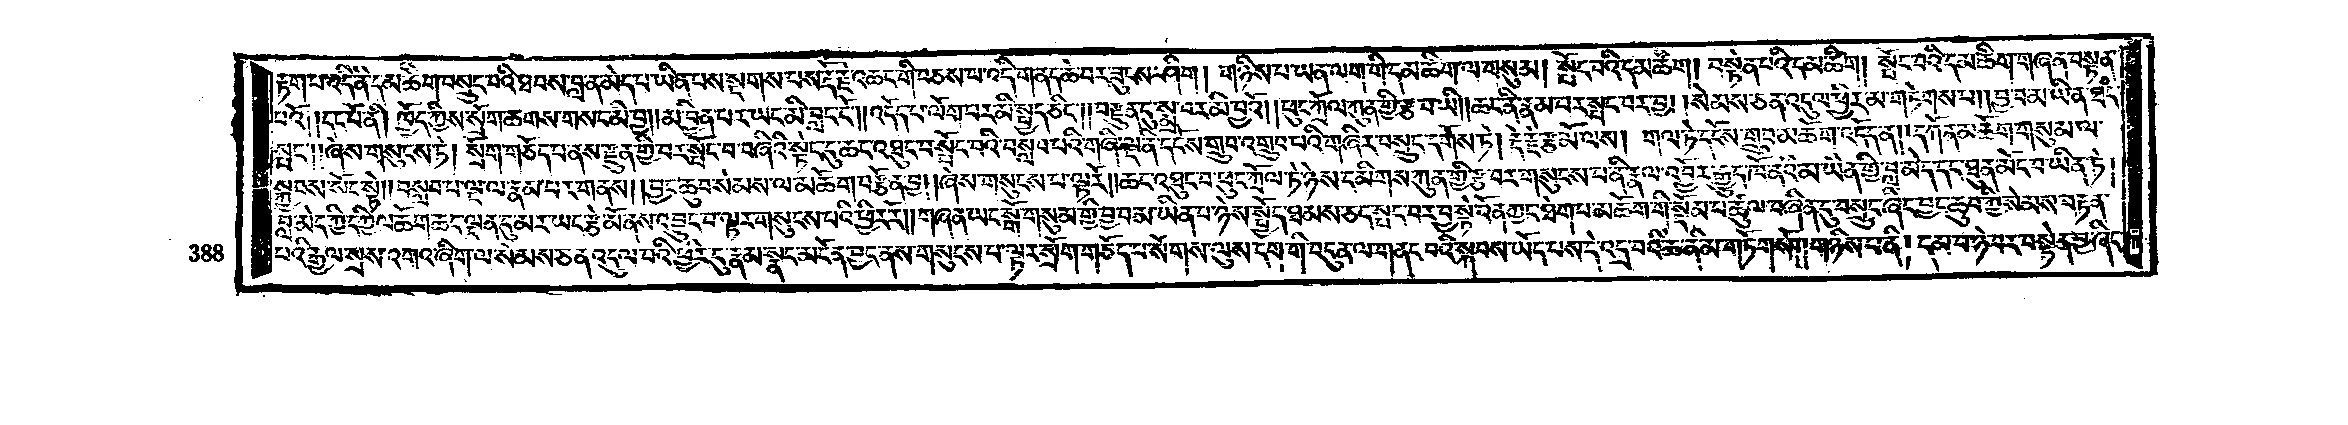རྟག་པ་འདི་ནི་དམ་ཚིག་བསྲུང་བའི་ཐབས་བླ་ན་མེད་པ་ཡིན་པས་སྔགས་པས་རྡོ་རྗེ་འཆང་གི་བཅས་པ་འདི་གནད་ཆེ་བར་ཟུངས་ཤིག །གཉིས་པ་ཡན་ལག་གི་དམ་ཚིག་ལ་གསུམ། སྤོང་བའི་དམ་ཚིག །བསྟེན་པའི་དམ་ཚིག །སྤོང་བའི་དམ་ཚིག་གཞན་བསྟན་
པའོ། །དང་པོ་ནི། ཁྱོད་ཀྱིས་སྲོག་ཆགས་གསང་མི་བྱ། །མ་བྱིན་པར་ཡང་མི་བླང་ངོ། །འདོད་པ་ལོག་པར་མི་སྤྱད་ཅིང་། །བརྫུན་དུ་སྨྲ་བར་མི་བྱའོ། །ཕུང་ཀྲོལ་ཀུན་གྱི་རྩ་བ་ཡི། །ཆང་ནི་རྣམ་པར་སྤང་བར་བྱ། །སེམས་ཅན་འདུལ་ཕྱིར་མ་གཏེགས་པ། །བྱ་བ་མ་ཡིན་ཐམས་ཅད་
སྤང་། །ཞེས་གསུངས་ཏེ། སྲོག་གཅོད་པ་ནས་རྫུན་གྱི་བར་སྤོང་བ་བཞིའི་སྟེང་དུ་ཆང་འཐུང་བ་སྤོང་བའི་བསླབ་པའི་གཞི་ལྔ་ནི་དངོས་གྲུབ་འགྲུབ་པའི་གཞིར་བསྲུང་དགོས་ཏེ། རྡོ་རྗེ་རྩ་མོ་ལས། གལ་ཏེ་དངོས་གྲུབ་མཆོག་འདོད་ན། །དཀོན་མཆོག་གསུམ་ལ་
སྐྱབས་སོང་སྟེ། །བསླབ་པ་ལྔ་ལ་རྣམ་པར་གནས། །བྱང་ཆུབ་སེམས་ལ་མཆོག་བརྩོན་བྱ། །ཞེས་གསུངས་པ་ལྟར་རོ། །ཆང་འཐུང་བ་ཕུང་ཀྲོལ་ཏེ་ཉེས་དམིགས་ཀུན་གྱི་རྩ་བར་གསུངས་པ་ནི་རྣལ་འབྱོར་རྒྱུད་ཁོ་ནའི་མ་ཡིན་གྱི་བླ་མེད་དང་ཐུན་མོང་བ་ཡིན་ཏེ།
བླ་མེད་ཀྱི་དཀྱིལ་ཆོག་ཆང་ལྡན་དུ་མར་ཡང་རྩེ་མོ་ནས་འབྱུང་བ་ལྟར་གསུངས་པའི་ཕྱིར་རོ། །གཞན་ཡང་སྒོ་གསུམ་གྱི་བྱ་བ་མ་ཡིན་པ་ཉེས་སྤྱོད་ཐམས་ཅད་སྤང་བར་བྱ་སྟེ་འོན་ཀྱང་ཐེག་པ་མཆོག་གི་སྡོམ་པ་ཚུལ་བཞིན་དུ་བསྲུང་ཞིང་བྱང་ཆུབ་ཀྱི་སེམས་བརྟན་
པའི་རྒྱལ་སྲས་འགའ་ཞིག་ལ་སེམས་ཅན་འདུལ་བའི་ཕྱིར་དུ་རྣམ་སྣང་མངོན་བྱང་ནས་གསུངས་པ་ལྟར་སྲོག་གཅོད་པ་སོགས་ལུས་ངག་གི་བདུན་ལ་གནང་བའི་སྐབས་ཡོད་པས་དེ་འདྲ་བའི་ཆེ་ནི་མ་གཏོགས་སོ། །གཉིས་པ་ནི། དམ་པ་ཉེ་བར་བསྟེན་བྱ་ཞིང་